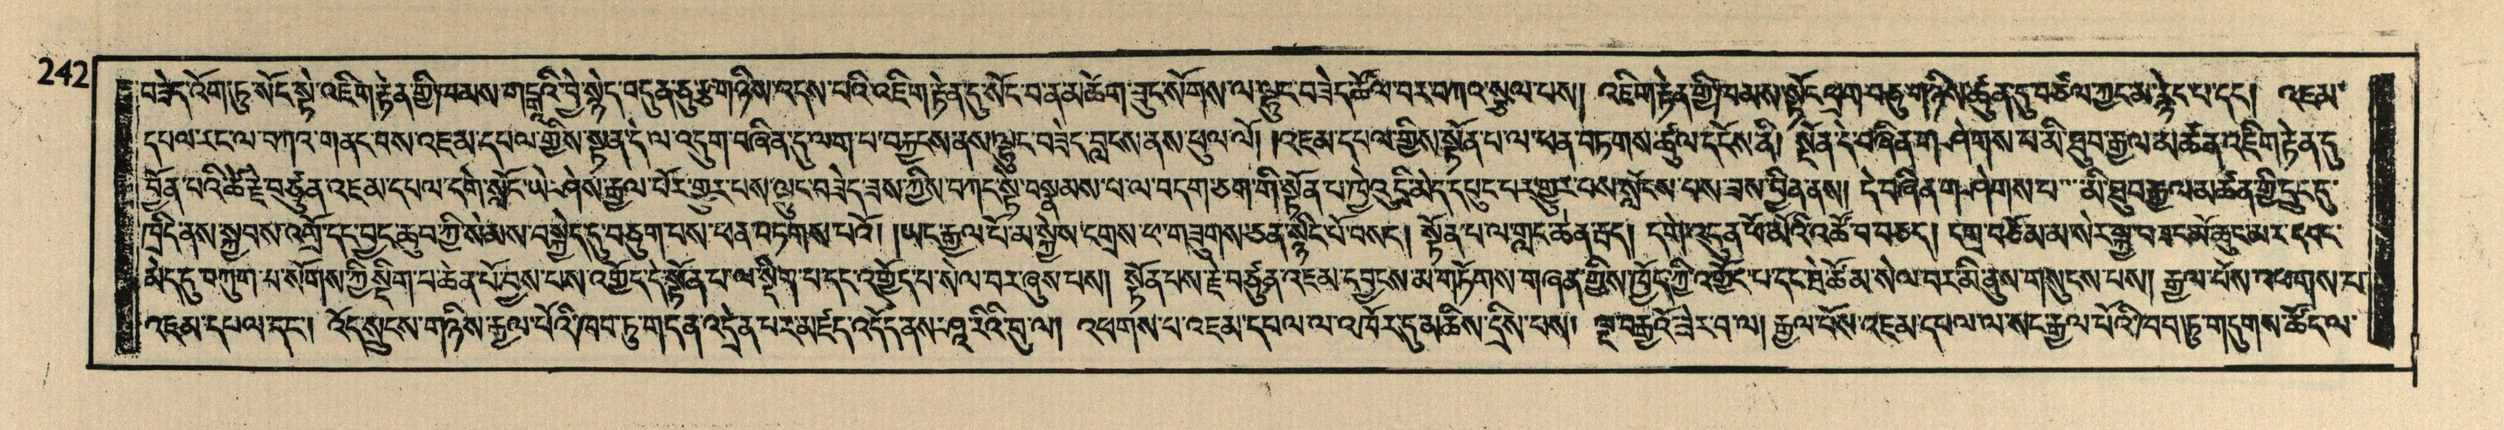བཟེད་འོག་ཏུ་སོང་སྟེ་འཇིག་རྟེན་གྱི་ཁམས་གངྒཱའི་བྱེ་སྙེད་བདུན་ཅུ་རྩ་གཉིས་འདས་པའི་འཇིག་རྟེན་དུ་སོང་བ་ན་མཆོག་ཟུང་སོགས་ལ་ལྷུང་བཟེད་ཚོལ་བར་བཀའ་སྩལ་པས། འཇིག་རྟེན་གྱི་ཁམས་སྟོང་ཕྲག་བཅུ་གཉིས་ཚུན་དུ་བཙལ་ཀྱང་མ་རྙེད་པ་དང་། འཇམ་
དཔལ་རང་ལ་བཀའ་གནང་བས་འཇམ་དཔལ་གྱིས་སྟན་དེ་ལ་འདུག་བཞིན་དུ་ལག་པ་བརྐྱངས་ནས་ལྷུང་བཟེད་བླངས་ནས་ཕུལ་ལོ། །འཇམ་དཔལ་གྱིས་སྟོན་པ་ལ་ཕན་བཏགས་ཚུལ་དངོས་ནི། སྔོན་དེ་བཞིན་གཤེགས་པ་མི་ཐུབ་རྒྱལ་མཚན་འཇིག་རྟེན་དུ་
བྱོན་པའི་ཚེ་རྗེ་བཙུན་འཇམ་དཔལ་དགེ་སློང་ཡེ་ཤེས་རྒྱལ་པོར་གྱུར་པས་ལྷུང་བཟེད་ཟས་ཀྱིས་བཀང་སྟེ་བསྣམས་པ་ལ་བདག་ཅག་གི་སྟོན་པ་ཁྱེའུ་དྲི་མེད་དཔུང་པར་གྱུར་པས་སློངས་པས་ཟས་བྱིན་ནས། དེ་བཞིན་གཤེགས་པ་མི་ཐུབ་རྒྱལ་མཚན་གྱི་དྲུང་དུ་
ཁྲིད་ནས་སྐྱབས་འགྲོ་དང་བྱང་ཆུབ་ཀྱི་སེམས་བསྐྱེད་དུ་བཅུག་པས་ཕན་བཏགས་པའོ། །ཡང་རྒྱལ་པོ་མ་སྐྱེས་དགྲས་ཕ་གཟུགས་ཅན་སྙིང་པོ་བསད། སྟོན་པ་ལ་གླང་ཆེན་རྦད། དགེ་འདུན་ཕོ་མོའི་འཚོ་བ་བཅད། དགྲ་བཅོམ་མ་སེར་སྐྱ་བཟང་མོ་ཆུང་མར་དབང་
མེད་དུ་བཀུག་པ་སོགས་ཀྱི་སྡིག་པ་ཆེན་པོ་བྱས་པས་འགྱོད་དེ་སྟོན་པ་ལ་སྡིག་པ་དང་འགྱོད་པ་སེལ་བར་ཞུས་པས། སྟོན་པས་རྗེ་བཙུན་འཇམ་དབྱངས་མ་གཏོགས་གཞན་གྱིས་ཁྱོད་ཀྱི་འགྱོང་པ་དང་ཐེ་ཚོམ་སེལ་བར་མི་ནུས་གསུངས་པས། རྒྱལ་པོས་འཕགས་པ་
འཇམ་དཔལ་དང་། འོད་སྲུངས་གཉིས་རྒྱལ་པོའི་ཁབ་ཏུ་གདན་འདྲེན་པར་མཛད་འདོད་ནས་ཤཱ་རིའི་བུ་ལ། འཕགས་པ་འཇམ་དཔལ་ལ་འཁོར་དུ་མཆིས་དྲིས་བས། ལྔ་བརྒྱའོ་ཟེར་བ་ལ། རྒྱལ་བོས་འཇམ་དཔལ་ལ་སངས་རྒྱལ་པོའི་ཁབ་ཏུ་གདུགས་ཚོད་ལ་